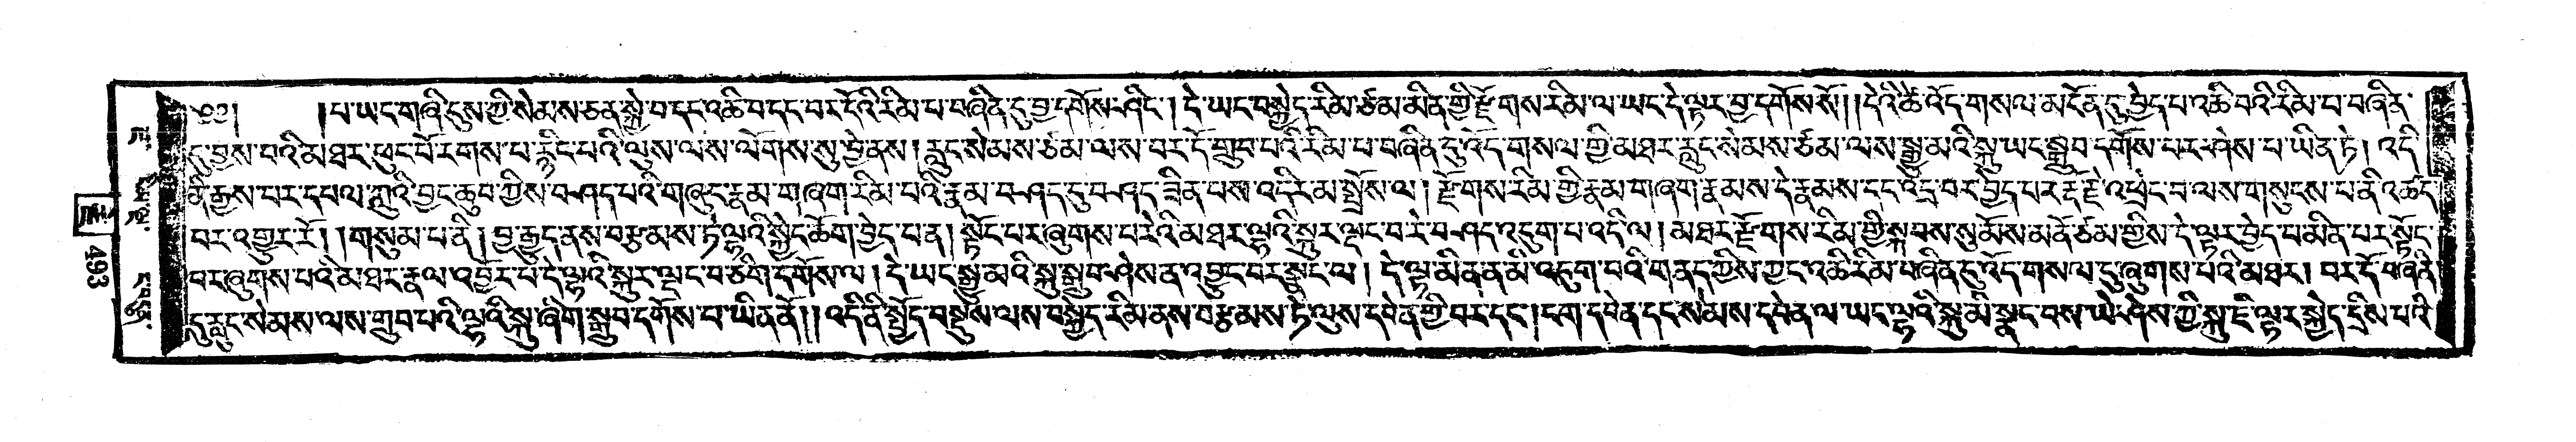༄༅། །པ་ཡང་གཞི་དུས་ཀྱི་སེམས་ཅན་སྐྱེ་བ་དང་འཆི་བ་དང་བར་དོའི་རིམ་པ་བཞིན་དུ་བྱ་དགོས་ཤིང་། དེ་ཡང་བསྐྱེད་རིམ་ཙམ་མིན་གྱི་རྫོགས་རིམ་ལ་ཡང་དེ་ལྟར་བྱ་དགོས་སོ། །དེའི་ཚེ་འོད་གསལ་མངོན་དུ་བྱེད་པ་འཆི་བའི་རིམ་པ་བཞིན་
དུ་བྱས་པའི་མཐར་ཕུང་པོ་རགས་པ་རྙིང་པའི་ལུས་ལས་ལོགས་སུ་བྱེ་ནས། རླུང་སེམས་ཙམ་ལས་བར་དོ་གྲུབ་པའི་རིམ་པ་བཞིན་དུ་འོད་གསལ་གྱི་མཐར་རླུང་སེམས་ཙམ་ལས་སྒྱུ་མའི་སྐུ་ཡང་སྒྲུབ་དགོས་པར་ཤེས་པ་ཡིན་ཏེ། འདི་
ནི་རྒྱས་པར་དཔལ་ཀླུའི་བྱང་ཆུབ་ཀྱིས་བཤད་པའི་གཞུང་རྣམ་གཞག་རིམ་པའི་རྣམ་བཤད་དུ་བཤད་ཟིན་པས་འདིར་མ་སྤྲོས་ལ། རྫོགས་རིམ་གྱི་རྣམ་གཞག་རྣམས་དེ་རྣམས་དང་འདྲ་བར་བྱེད་པར་རྡོ་རྗེ་འཕྲེང་བ་ལས་གསུངས་པ་ནི་འཆད་
པར་འགྱུར་རོ། །གསུམ་པ་ནི། བྱ་རྒྱུད་ནས་བརྩམས་ཏེ་ལྷའི་སྐྱེད་ཆོག་བྱེད་པ་ན། སྟོང་པར་ཞུགས་པ་རེའི་མཐར་ལྷའི་སྐུར་ལྡང་བ་རེ་བཤད་འདུག་པ་འདི་ལ། མཐར་རྫོགས་རིམ་གྱི་སྐབས་སུ་མོས་ནོ་ཙམ་གྱིས་དེ་ལྟར་བྱེད་པ་མིན་པར་སྟོང་
པར་ཞུགས་པའི་མཐར་རྣལ་འབྱོར་པ་དེ་ལྷའི་སྐུར་ལྡང་བ་ཅིག་དགོས་ལ། དེ་ཡང་སྒྱུ་མའི་སྐུ་སྒྲུབ་ཤེས་ན་འབྱུང་བར་སྣང་ལ། དེ་ལྟ་མིན་ན་མི་འདུག་པའི་གནད་ཀྱིས་ཀྱང་འཆི་རིམ་བཞིན་དུ་འོད་གསལ་དུ་ཞུགས་པའི་མཐར། བར་དོ་བཞིན་
དུ་རླུང་སེམས་ལས་གྲུབ་པའི་ལྷའི་སྐུ་ཞིག་སྒྲུབ་དགོས་པ་ཡིན་ནོ། །འདི་ནི་སྤྱོད་བསྡུས་ལས་བསྐྱེད་རིམ་ནས་བརྩམས་ཏེ་ལུས་དབེན་གྱི་བར་དང་། ངག་དབེན་དང་སེམས་དབེན་ལ་ཡང་ལྷའི་སྐུ་མི་སྣང་བས་ཡེ་ཤེས་ཀྱི་སྐུ་ཇི་ལྟར་སྐྱེད་དྲིས་པའི་